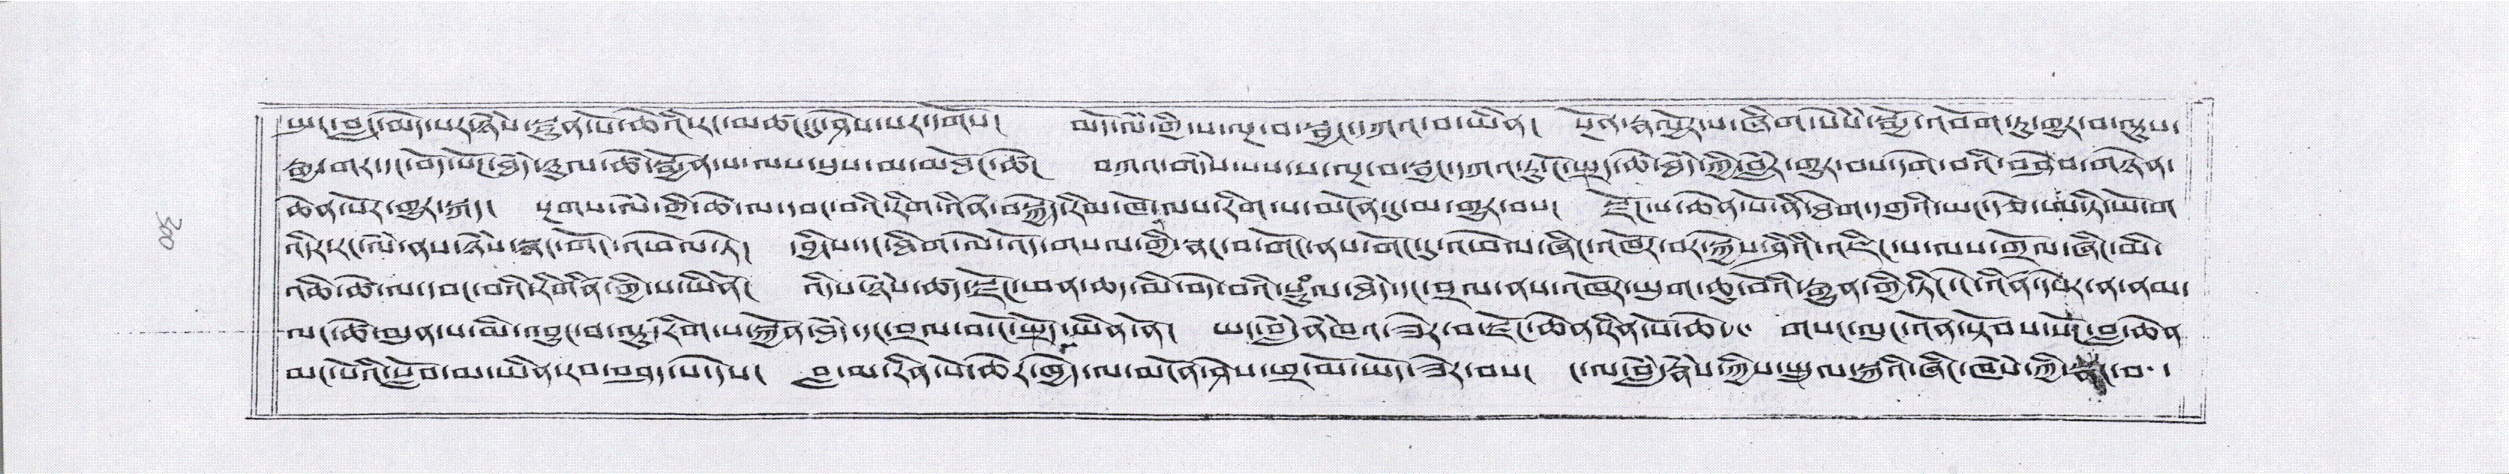སྤང་བླང་མེད་པར་ཉམས་རྫུན་པོ་ཆེའི་རང་མཚང་དུ་ཤེས་པར་དགོས། མདོ་ལམ་གྱི་ས་ལྔ་བ་སྦྱང་དཀའ་བ་ཡིན། སྔོན་རྣལ་འབྱོར་པ་ཞིག་སེམས་སྨྱོ་འབོག་ཏུ་གྱུར་བ་ལྟ་བུས་
རྒྱ་གར་དང་བོད་སོགས་ཐམས་ཅད་ཉུལ་ཚེ་སྨྱོན་པ་ལས་སུས་མ་མཐོང་ཚེ། བཀའ་གདམས་པས་ས་ལྔ་བ་སྦྱང་དཀའ་རུ་ངོ་སྤྲད་ཚེ་ཐམས་ཅད་ཀྱི་བླ་མར་གྱུར་བས་དགེ་བའི་བཤེས་གཉེན་
ཆེན་པོར་གྱུར་སྐད། སྔགས་ལམ་གྱི་ཆེ་ལ་དབང་བའི་རིག་འཛིན་བསྐྱེད་རིམ་ཁོ་ན་ལས་རིག་པ་མངོན་དུ་མ་གྱུར་བས། རྫོགས་པ་ཆེན་པོ་ནི་ཐེག་དགུའི་ཡང་རྩེ་ཨ་ཏི་ཡོ་ག་
འདིར་རང་ལམ་ནས་ཉམས་སྣང་གོང་འཕེལ་ཏེ། དབྱིངས་དང་ཐིག་ལེ་འོད་གསལ་གྱི་སྣང་བ་གོང་ནས་གོང་དུ་འཕེལ་ཞིང་འཁོར་བར་སྐྱེས་ཤིའི་འཇིགས་པ་ལས་གྲོལ་ཞིང་མི་
འཆི་ཚེ་ལ་དབང་བའི་རིག་འཛིན་གྱི་ས་ཡིན་ནོ། འདིས་ཉམས་ཚད་རྫོགས་ཕན་ཆད་མི་བདེ་བའི་སྡུག་བསྔལ་ཐམས་ཅད་བྲལ་ནས་འཁོར་ཡུག་ཆུ་བོའི་རྒྱུན་གྱི་ཏིང་ངེ་འཛིན་དཔེར་ན་ནམ་
ལང་ཚེ་མུན་པ་མི་འབྱུང་བ་ལྟ་བུ་རིག་པ་སྐྱོན་ཐམས་ཅད་དང་བྲལ་བ་ངོ་སྤྲོད་པ་ཡིན་ནོ། ཡང་བླ་མ་ནམ་མཁའ་ཟེར་བ་རྫོགས་ཆེན་རིན་པོ་ཆེ་དང་གསང་ལུང་འོན་སྟོབས་སོགས་བླ་ཆེན་
མང་པོའི་སློབ་མ་ཡིན་རབ་བཤད་པ་དེས། བླ་མ་རིན་པོ་ཆེར་ཁྱེད་ལ་མངོན་ཤེས་ཕྲ་མོ་ཡོད་ཟེར་བས། ང་ལ་བླ་མ་རྣམས་ཀྱིས་སྤྲུལ་སྐུའི་ཞིང་ཁམས་ཀྱི་སྣང་བ་